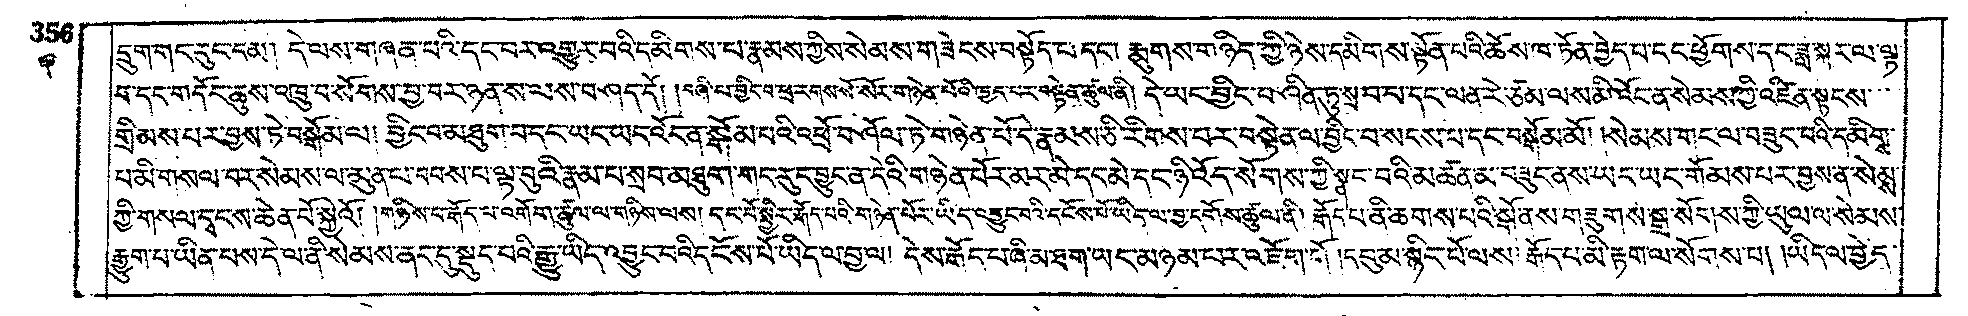དྲུག་གང་རུང་ངམ། དེ་ལས་གཞན་པའི་དང་བར་འགྱུར་བའི་དམིགས་པ་རྣམས་ཀྱིས་སེམས་གཟེངས་བསྟོད་པ་དང་། རྨུགས་གཉིད་ཀྱི་ཉེས་དམིགས་སྟོན་པའི་ཆོས་ཁ་ཏོན་བྱེད་པ་དང་ཕྱོགས་དང་ཟླ་སྐར་ལ་ལྟ་
བ་དང་གདོང་ཆུས་འཁྲུ་བ་སོགས་བྱ་བར་ཉན་ས་ལས་བཤད་དོ། །བཞི་པ་བྱིང་བ་ཕྲ་རགས་སོ་སོར་གཉེན་པོའི་ཁྱད་པར་བསྟེན་ཚུལ་ནི།  དེ་ཡང་བྱིང་བ་ཤིན་ཏུ་སྲ་བ་པ་དང་ལན་རེ་ཙམ་ལས་མི་འོང་ན་སེམས་ཀྱི་འཛིན་སྟངས་
གྲིམས་པར་བྱས་ཏེ་བསྒོམ་ལ། བྱིང་བ་མཐུག་པ་དང་ཡང་ཡང་འོང་ན་སྒོམ་པའི་འཕྲོ་བཤོལ་ཏེ་གཉེན་པོ་དེ་རྣམས་ཅི་རིགས་པར་བསྟེན་ལ་བྱིང་བ་སངས་པ་དང་བསྒོམ་མོ། །སེམས་གང་ལ་བཟུང་བའི་དམིགས་
པ་མི་གསལ་བར་སེམས་ལ་མུན་པ་བབས་པ་ལྟ་བུའི་རྣམ་པ་སྲབ་མཐུག་གང་རུང་བྱུང་ན་དེའི་གཉེན་པོར་མར་མེ་དང་མེ་དང་ཉི་འོད་སོགས་ཀྱི་སྣང་བའི་མཚན་མ་བཟུང་ནས་ཡང་ཡང་གོམས་པར་བྱས་ན་སེམས་
ཀྱི་གསལ་དྭངས་ཆེན་པོ་སྐྱེའོ། །གཉིས་པ་རྒོད་པ་འགོག་ཚུལ་ལ་གཉིས་ལས། དང་པོ་སྤྱིར་རྒོད་པའི་གཉེན་པོར་ཡིད་འབྱུང་བའི་དངོས་པོ་ཡིད་ལ་བྱ་དགོས་ཚུལ་ནི།  རྒོད་པ་ནི་ཆགས་པའི་སྒོ་ནས་གཟུགས་སྒྲ་སོགས་ཀྱི་ཡུལ་ལ་སེམས་
རྒྱུག་པ་ཡིན་པས་དེ་ལ་ནི་སེམས་ནང་དུ་སྡུད་པའི་རྒྱུ་ཡིད་འབྱུང་བའི་དངོས་པོ་ཡིད་ལ་བྱ་ལ། དེས་རྒོད་པ་ཞི་མ་ཐག་ཡང་མཉམ་པར་འཇོག་གོ། །དབུ་མ་སྙིང་པོ་ལས། རྒོད་པ་མི་རྟག་ལ་སོགས་པ། །ཡིད་ལ་བྱེད་